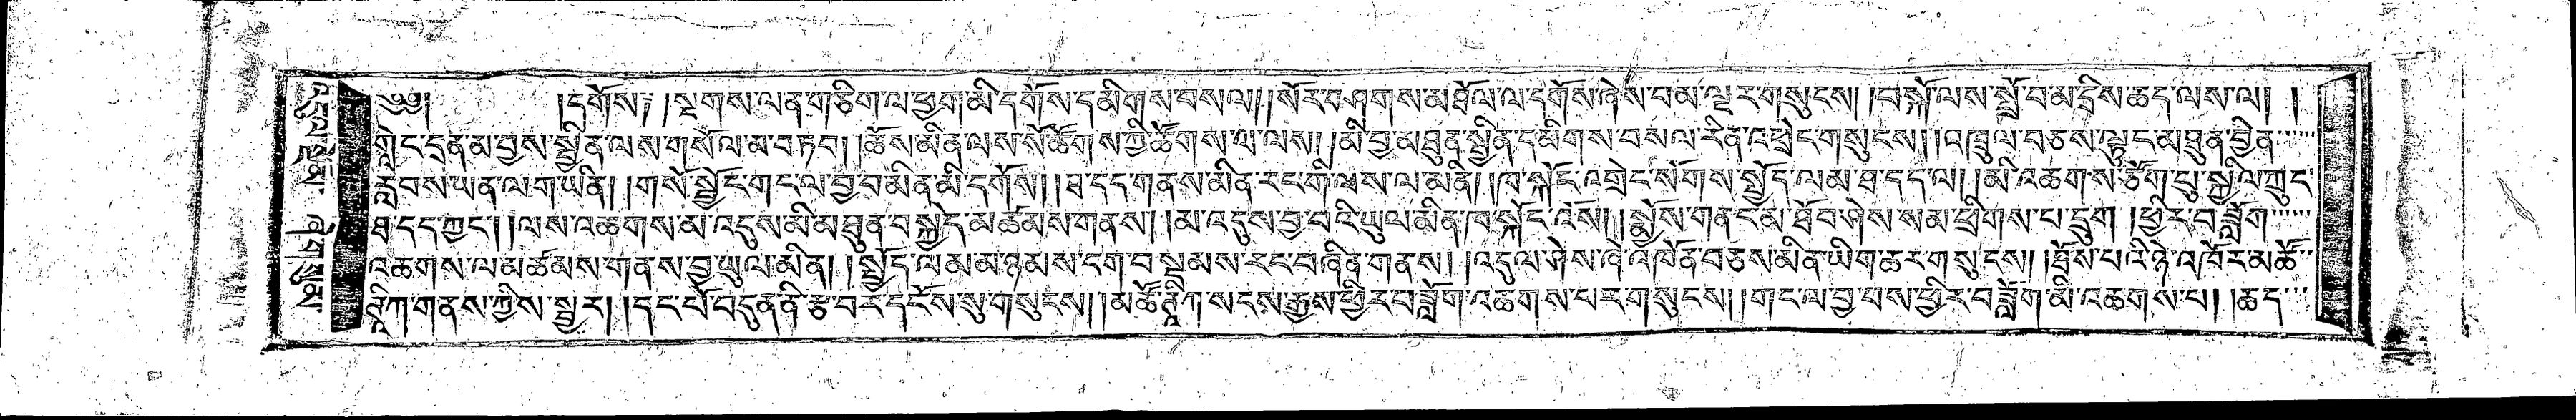༄༅། །དགོས༑ །སྔགས་ལན་གཅིག་ལ་ཕྱག་མི་དགོས་དམིགས་བསལ། །སོར་བཤགས་མཐོལ་ལ་དགོས་ཞེས་བམ་ལྔར་གསུངས། །བསྐོ་ལས་སྤྲོ་བ་མ་དྲིས་ཆད་ལས་ལ། །
གླེང་དྲན་མ་བྱས་སྦྱིན་ལས་གསོལ་མ་བཏབ། །ཆོས་མིན་ལས་སོ་ཚོགས་ཀྱི་ཚོགས་ལ་ལས། །མི་བྱ་མཐུན་སྦྱིན་དམིགས་བསལ་རིན་འཕྲེང་གསུངས། །འཁྲུལ་བཅས་ལྟུང་མཐུན་བྱིན་
རླབས་ཡན་ལག་ཡིན། །གསོ་སྦྱོང་གང་ལ་བྱ་བ་མིན་མི་དགོས། །ཐ་དད་གནས་མིན་རང་གི་ལས་ལ་མིན། །ཁ་སྐོང་འགྲེང་སོགས་སྤྱོད་ལམ་ཐ་དད་ལ། །མི་འཆགས་ཙོག་པུ་སྐྱིལ་ཀྲུང་
ཐ་དད་ཀྱང་། །ལས་འཆགས་མ་འདུས་མི་མཐུན་བསྐྱེད་མཚམས་གནས། །མ་འདུས་བྱ་བའི་ཡུལ་མིན་ཁ་སྐོང་འོས། །སྨྱོས་གནང་མ་ཐོབ་ཤེས་སམ་ཕྲིགས་པ་དྲུག །ཕྱིར་བཟློག་
འཆགས་ལ་མཚམས་གནས་བྱ་ཡུལ་མིན། །སྤྱོད་ལམ་མ་ཉམས་ངག་བསྡམས་རང་བཞིན་གནས། །འདུལ་ཤེས་ཞེ་འཁོན་བཅས་མིན་ཡིག་ཆར་གསུངས། །ཐོས་པའི་ཉེ་འཁོར་མཚོ་
ཊཱིཀ་གནས་ཀྱིས་སྦྱར། །དང་པོ་བདུན་ནི་རྩ་བར་དངོས་སུ་གསུངས། །མཚོ་ཊཱིཀ་སངས་རྒྱས་ཕྱིར་བཟློག་འཆགས་པར་གསུངས། །གང་ལ་བྱ་བས་ཕྱིར་བཟློག་མི་འཆགས་པ། །ཆད་